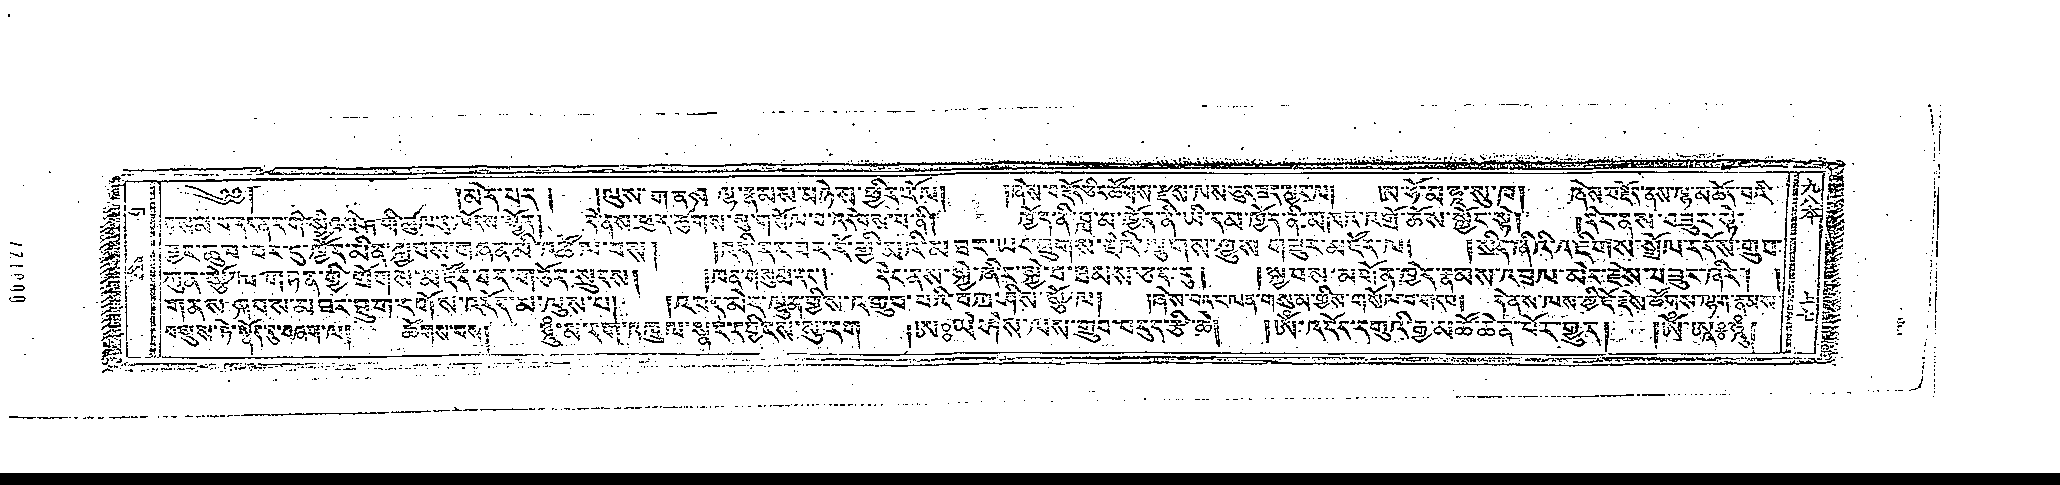༄༅། །མེད་པར། །ལུས་གནས་ལྷ་རྣམས་མཉེས་ཕྱིར་རོལ། །ཞེས་བརྗོད་ཅིང་ཚོགས་རྫས་ལས་ཅུང་ཟད་མྱང་ལ། ཨ་ཧོ་མ་ཧཱ་སུ་ཁ། ཞེས་བརྗོད་ནས་ལྷ་མཆོད་པའི་
བསམ་པ་དང་ནང་གི་སྦྱིན་སྲེག་གི་ཚུལ་དུ་ལོངས་སྤྱོད། དེ་ནས་ཕུར་ཚུགས་སུ་གསོལ་བ་འདེབས་པ་ནི། ཁྱོད་ནི་བླ་མ་ཁྱོད་ནི་ཡི་དམ་ཁྱོད་ནི་མཁའ་འགྲོ་ཆོས་སྐྱོང་སྟེ། །དེང་ནས་བཟུང་སྟེ་
བྱང་ཆུབ་བར་དུ་ཁྱོད་མིན་སྐྱབས་གཞན་མི་འཚོལ་བས། །འདི་དང་བར་དོ་ཕྱི་མའི་མཐར་ཡང་ཐུགས་རྗེའི་ལྕགས་ཀྱུས་གཟུང་མཛོད་ལ། །སྲིད་ཞིའི་འཇིགས་སྒྲོལ་དངོས་གྲུབ་
ཀུན་སྩོལ་གཏན་གྱི་གྲོགས་མཛོད་བར་གཅོད་སྲུངས། །ལན་གསུམ་དང་། དེང་ནས་སྐྱེ་ཞིང་སྐྱེ་བ་ཐམས་ཅད་དུ། །སྐྱབས་མགོན་ཁྱེད་རྣམས་འབྲལ་མེད་རྗེས་བཟུང་ཞིང་། །
གནས་སྐབས་མཐར་ཐུག་དགོས་འདོད་མ་ལུས་པ། །འབད་མེད་ལྷུན་གྱིས་འགྲུབ་པའི་བཀྲ་ཤིས་སྩོལ། །ཞེས་པའང་ལན་གསུམ་གྱིས་གསོལ་བ་གདབ། དེ་ནས་ལས་ཀྱི་རྡོ་རྗེས་ཚོགས་ལྷག་རྣམས་
བསྡུས་ཏེ་སྣོད་དུ་བཞག་ལ། །ཚོགས་པས། །ཧཱུཾ་མ་དག་འཁྲུལ་སྣད་དབྱིངས་སུ་དག །ཨཱཿ་ཡེ་ཤེས་ལས་གྲུབ་བདུད་རྩི་ཆེ། །ཨོཾ་འདོད་དགུའི་རྒྱ་མཚོ་ཆེན་པོར་གྱུར། །ཨོཾ་ཨཱཿ་ཧཱུཾ།